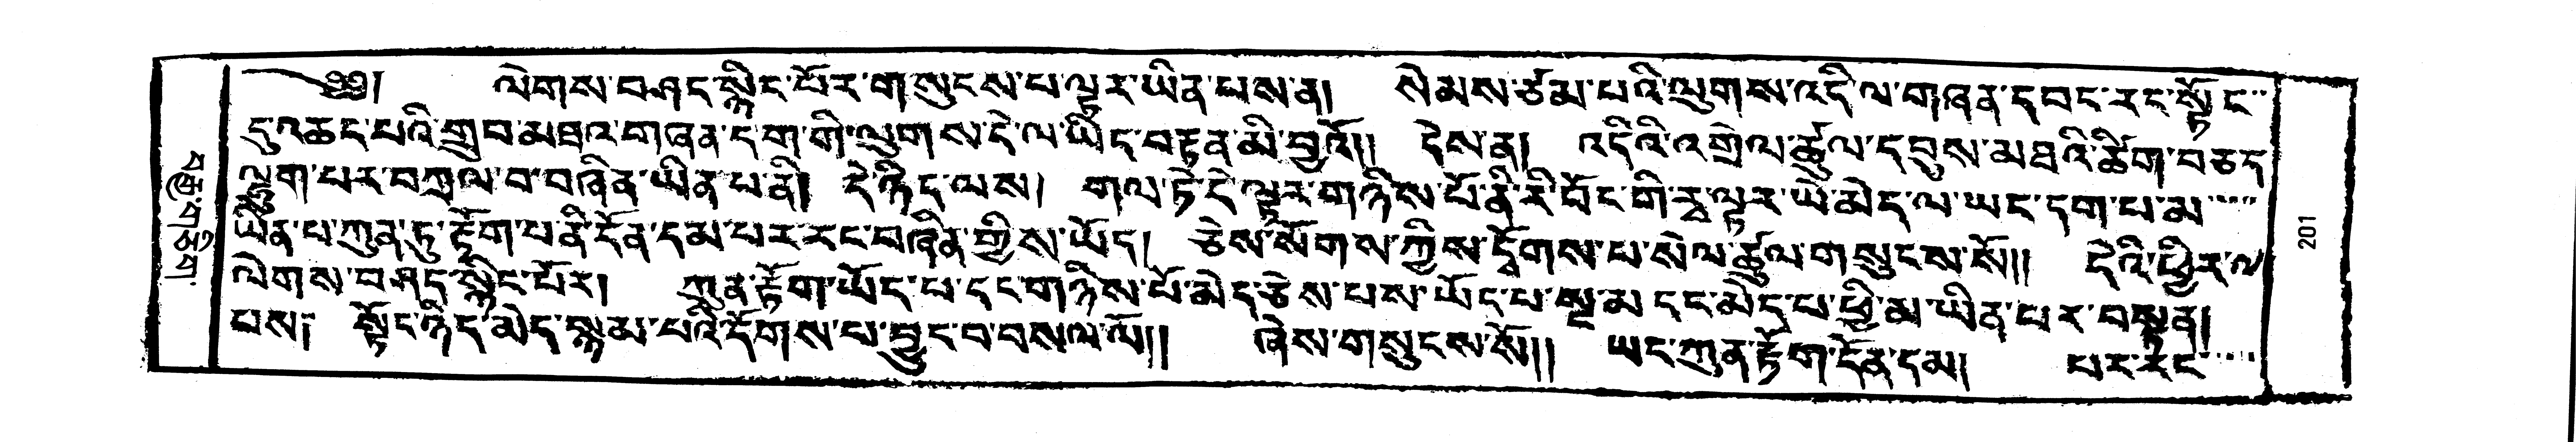༄༅། །ལེགས་བཤད་སྙིང་པོར་གསུངས་པ་ལྟར་ཡིན་པས་ན། སེམས་ཙམ་པའི་ལུགས་འདི་ལ་གཞན་དབང་རང་སྟོང་
དུ་འཆང་པའི་གྲུབ་མཐའ་གཞན་དག་གི་ལུགས་དེ་ལ་ཡིད་བརྟན་མི་བྱའོ།། དེས་ན། འདིའི་འགྲེལ་ཚུལ་དབུས་མཐའི་ཚིག་བཅད་
ལྷུག་པར་བཀྲལ་བ་བཞིན་ཡིན་པ་ནི། དེ་ཉིད་ལས། གལ་ཏེ་དེ་ལྟར་གཉིས་པོ་ནི་རི་བོང་གི་རྭ་ལྟར་ཡེ་མེད་ལ་ཡང་དག་པ་མ་
ཡིན་པ་ཀུན་ཏུ་རྟོག་པ་ནི་དོན་དམ་པར་རང་བཞིན་གྱིས་ཡོད། ཅེས་སོགས་ཀྱིས་དྭོགས་པ་སེལ་ཚུལ་གསུངས་སོ།། དེའི་ཕྱིར ༧
ལེགས་བཤད་སྙིང་པོར། ཀུན་རྟོག་ཡོད་པ་དང་གཉིས་པོ་མེད་ཅེས་པས་ཡོད་པ་སྔ་མ་དང་མེད་པ་ཕྱི་མ་ཡིན་པར་བསྟན།
པས། སྟོང་ཉིད་མེད་སྙམ་པའི་དོགས་པ་བྱུང་བ་བསལ་ལོ།། ཞེས་གསུངས་སོ།། ཡང་ཀུན་རྟོག་དོན་དམ། པར་རང་